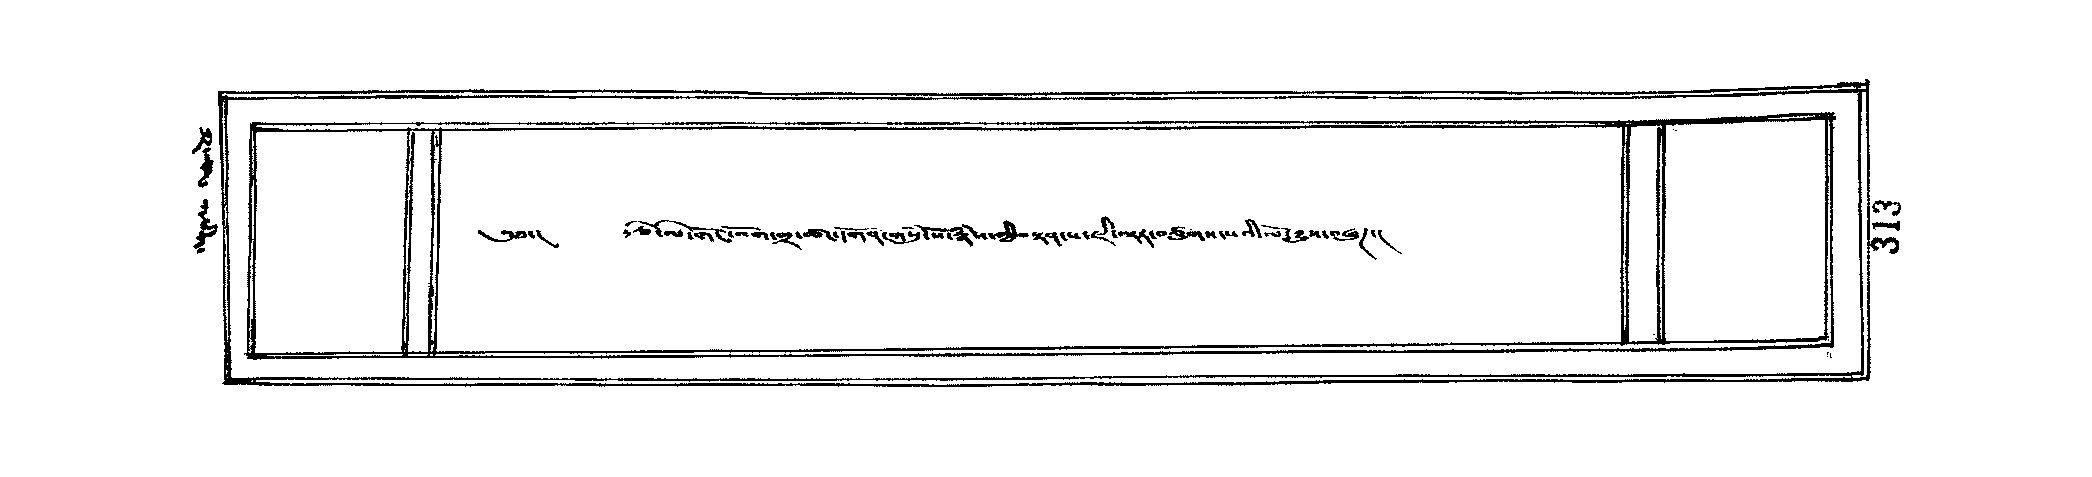རྩེ་ལེ་གོང་འོག་གྲྭ་ཚང་དགོན་གསུམ་པོ་རྣམས་ཀྱི་བསྟན་པ་ཇི་ལྟར་བཙུགས་པའི་ལོ་རྒྱུས་བཞུགས།